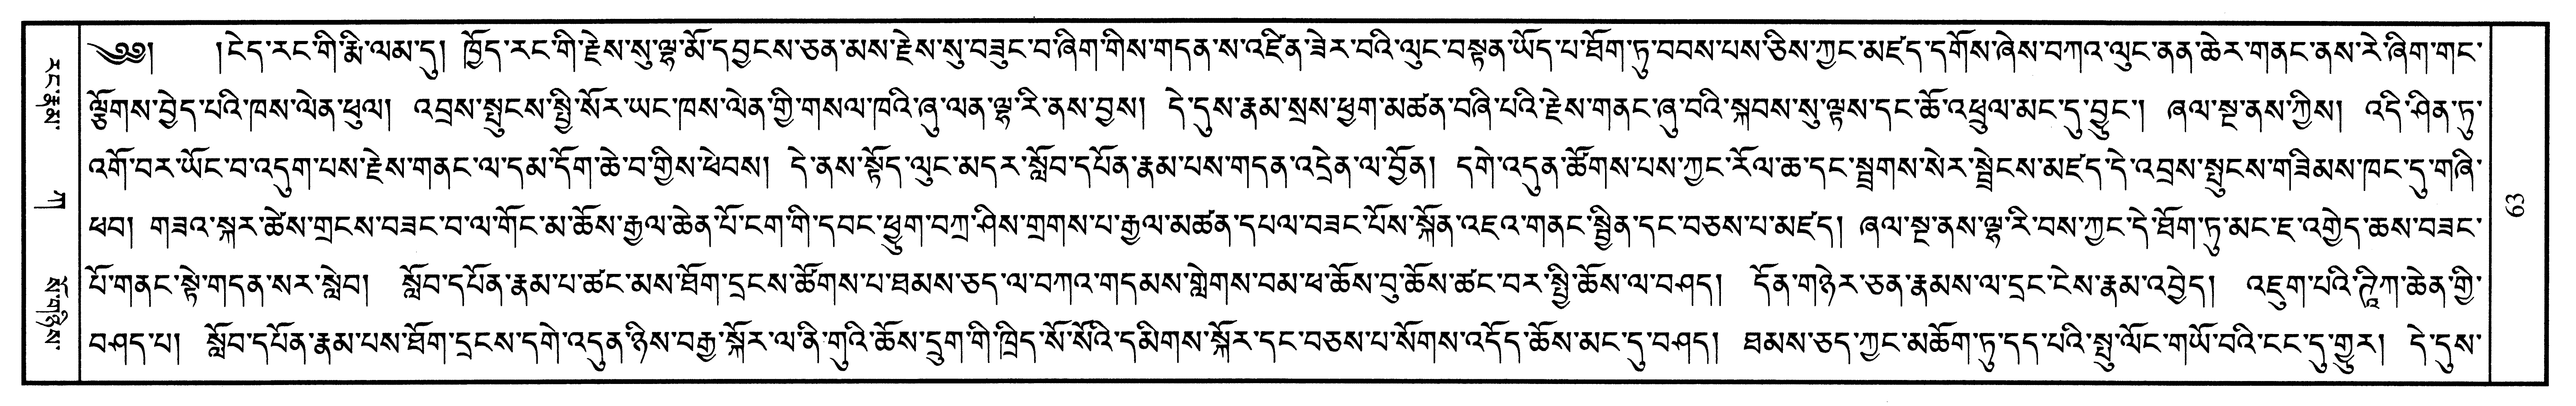༄༅། །ངེད་རང་གི་རྨི་ལམ་དུ། ཁྱོད་རང་གི་རྗེས་སུ་ལྷ་མོ་དབྱངས་ཅན་མས་རྗེས་སུ་བཟུང་བ་ཞིག་གིས་གདན་ས་འཛིན་ཟེར་བའི་ལུང་བསྟན་ཡོད་པ་ཐོག་ཏུ་བབས་པས་ཅིས་ཀྱང་མཛད་དགོས་ཞེས་བཀའ་ལུང་ནན་ཆེར་གནང་ནས་རེ་ཞིག་གང་
ལྕོགས་བྱེད་པའི་ཁས་ལེན་ཕུལ། འབྲས་སྤུངས་སྤྱི་སོར་ཡང་ཁས་ལེན་གྱི་གསལ་ཁའི་ཞུ་ལན་ལྷ་རི་ནས་བྱས། །དེ་དུས་རྣམ་སྲས་ཕྱག་མཚན་བཞི་པའི་རྗེས་གནང་ཞུ་བའི་སྐབས་སུ་ལྟས་དང་ཆོ་འཕྲུལ་མང་དུ་བྱུང་། ཞལ་སྔ་ནས་ཀྱིས། འདི་ཤིན་ཏུ་
འགོ་བར་ཡོང་བ་འདུག་པས་རྗེས་གནང་ལ་དམ་དོག་ཆེ་བ་གྱིས་ཕེབས། དེ་ནས་སྟོད་ལུང་དམར་སློབ་དཔོན་རྣམ་པས་གདན་འདྲེན་ལ་བྱོན། དགེ་འདུན་ཚོགས་པས་ཀྱང་རོལ་ཆ་དང་སྦྲགས་སྲེ་སྦྲེང་མཛད་དེ་འབྲས་སྤུངས་གཟིམས་ཁང་དུ་གཞི་
ཕབ། གཟའ་སྐར་ཚེས་གྲངས་བཟང་བ་ལ་གོང་མ་ཆོས་རྒྱལ་ཆེན་པོ་ངག་གི་དབང་ཕྱུག་བཀྲ་ཤིས་གྲགས་པ་རྒྱལ་མཚན་དཔལ་བཟང་པོས་སྐོན་འཇའ་གནང་སྦྱིན་དང་བཅས་པ་མཛད། ཞལ་སྔ་ནས་ལྷ་རི་བས་ཀྱང་དེ་ཐོག་ཏུ་མང་ཇ་འགྱེད་ཆས་བཟང་
པོ་གནང་སྟེ་གདན་སར་སླེབ། སློབ་དཔོན་རྣམ་པ་ཚང་མས་ཐོག་དྲངས་ཚོགས་པ་ཐམས་ཅད་ལ་བཀའ་གདམས་གླེགས་བམ་ཕ་ཆོས་བུ་ཆོས་ཚང་བར་སྤྱི་ཆོས་ལ་བཤད། དོན་གཉེར་ཅན་རྣམས་ལ་དྲང་ངེས་རྣམ་འབྱེད། འཇུག་པའི་ཊཱིཀ་ཆེན་གྱི་
བཤད་པ། སློབ་དཔོན་རྣམ་པས་ཐོག་དྲངས་དགེ་འདུན་ཉིས་བརྒྱ་སྐོར་ལ་ནི་གུའི་ཆོས་དྲུག་གི་ཁྲིད་སོ་སོའི་དམིགས་སྐོར་དང་བཅས་པ་སོགས་འདོད་ཆོས་མང་དུ་བཤད། ཐམས་ཅད་ཀྱང་མཆོག་ཏུ་དད་པའི་སྤུ་ལོང་གཡོ་བའི་ངང་དུ་གྱུར། དེ་དུས་